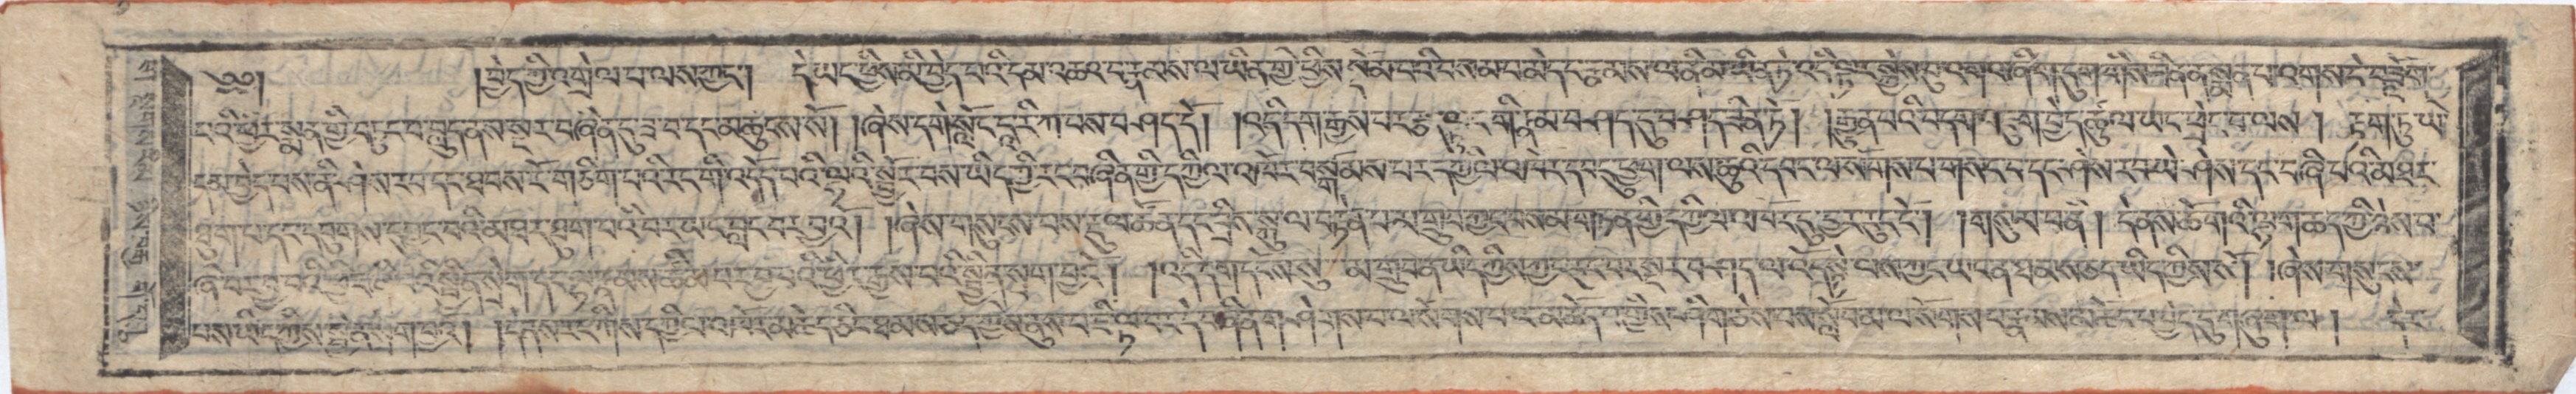༄༅། །བྱེད་ཀྱི་འགྲེལ་པ་ལས་ཀྱང་། དེ་ཡང་ཕྱིས་མི་བྱེད་པའི་དམ་འཆའ་བ་རྣམས་ལ་ཡིན་གྱི་ཕྱིས་སྡོམ་པའི་བསམ་པ་མེད་པ་རྣམས་ལ་ནི་མ་ཡིན་ཏེ་འདི་ལྟར་སྐྱེས་བུ་འགའ་ཞིག་དུག་གིས་ཟིན་ན་སྨན་པ་འགས་དེ་བཟློག་
པའི་ཕྱིར་སྨན་གྱི་བཏུང་བ་བླུད་ནས་སྔར་བཞིན་དུ་ཟ་བ་དང་མཚུངས་སོ། །ཞེས་དགེ་སློང་དཱ་རི་ཀ་པས་བཤད་དོ། །འདི་དག་རྒྱས་པར་རྩ་ལྟུང་གི་རྣམ་བཤད་དུ་བཤད་ཟིན་ཏོ། །རྒྱུན་པའི་བདག་འཇུག་བྱེད་ཚུལ་ཡང་ཕྲེང་བ་ལས། རྟག་ཏུ་ཡི་
དམ་བྱེད་པས་ནི་ཤེས་རབ་དང་ཐབས་རོ་གཅིག་པའི་རང་གི་འདོད་པའི་ལྷའི་སྦྱོར་བས་ཡིད་ཀྱི་རང་བཞིན་གྱི་དཀྱིལ་འཁོར་བསྒོམས་པར་དཀྱིལ་འཁོར་དབང་ཕྱུག་ལས་ཆུའི་དབང་ལ་སོགས་པ་གསང་བ་དང་ཤེས་རབ་ཡེ་ཤེས་དང་བཞི་པའི་མཐར་
ཐུག་པ་དང་དབུགས་དབྱུང་བའི་མཐར་ཐུག་པའི་བར་ཡང་བླང་བར་བྱའོ། །ཞེས་གསུངས་པས་རྡུལ་ཚོན་དང་བྲིས་སྐུ་ལ་བརྟེན་པ་མ་གྲུབ་ཀྱང་བསམ་གཏན་གྱི་དཀྱིལ་འཁོར་དུ་བྱར་རུང་ངོ། །གསུམ་པ་ནི། དེ་ནས་ཆོ་གའི་ལྷག་ཆད་ཀྱི་ཉེས་པ་
ཞི་བར་བྱ་བའི་ཕྱིར་ཞི་བའི་སྦྱིན་སྲེག་དང་ལྷ་རྣམས་ཚིམ་པར་བྱ་བའི་ཕྱིར་རྒྱས་པའི་སྦྱིན་སྲག་བྱའོ། །འདི་དག་དངོས་སུ་མ་གྲུབ་ན་ཡིད་ཀྱིས་ཀྱང་རུང་བར་སྔར་བཤད་ལ་འོད་སྙེ་ལས་ཀྱང་ཡང་ན་ཐམས་ཅད་ཡིད་ཀྱིས་སོ། །ཞེས་གསུངས་
པས་ཡིད་ཀྱིས་སྦྱིན་སྲེག་བྱའོ། །དེ་ནས་རང་གིས་དཀྱིལ་འཁོར་མཆོད་ཅིང་ཐམས་ཅད་ཀྱིས་ནུས་པ་ཇི་ལྟ་བར་དེ་བཞིན་གཤེགས་པ་ལ་སོགས་པ་ལ་མཆོད་པ་གྱིས་ཤིག་ཅེས་པས་སློབ་མ་ལ་སོགས་པ་རྣམས་མཆོད་པ་བྱེད་དུ་གཞུག་ལ། དེར་